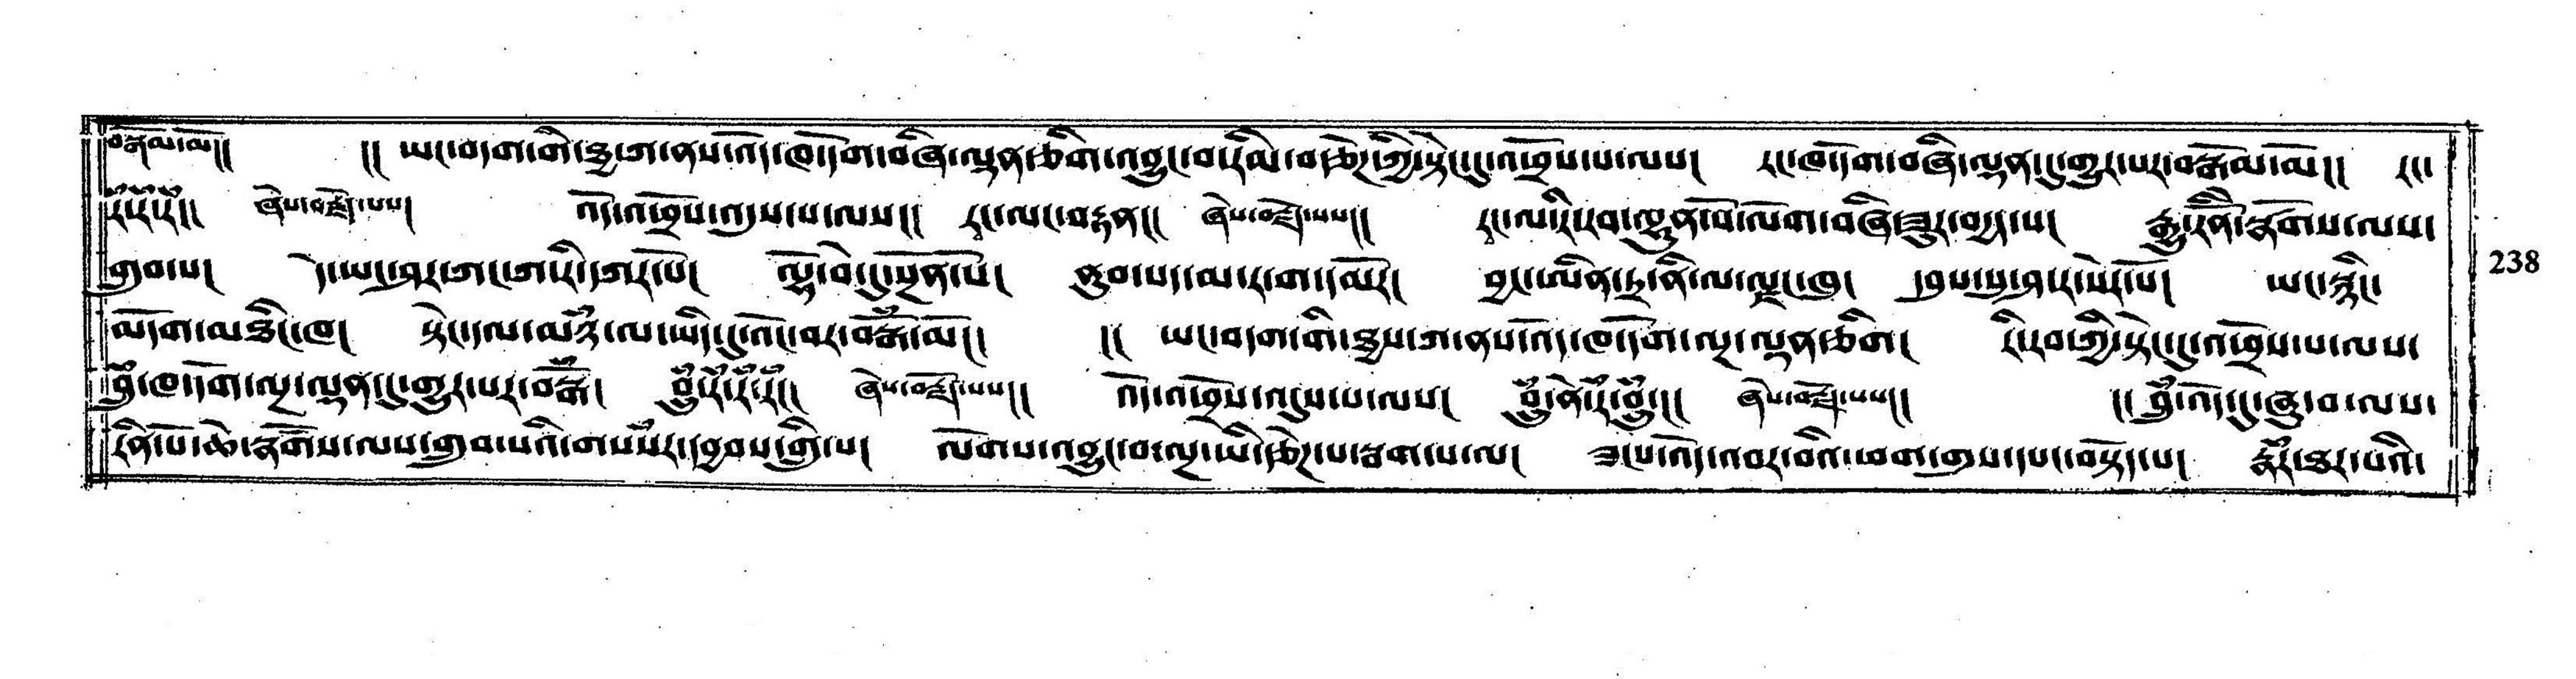བསྒོམ་མོ།། །།ཡང་བདག་གི་ཐུགས་ཀ་ནས་འོད་ཁ་དོག་བཞི་ལྡན་ཅིག་འབྱུང་བ་རིམ་བརྩེགས་ཀྱི་སྟེང་དུ་འཕྲོས་པ་ལས། རང་ཁ་དོག་བཞི་ལྡན་དུ་གྱུར་པར་བསྒོམ་མོ།། རང་
རཾ་རཾ་རཾ།། ཞེས་བརྗོད་པས། འོད་འཕྲོས་འདུས་པ་ལས།། རང་ལང་བརྟན།། ཞེས་བརྗོད་པས།། རྭང་ལ་རི་རབ་ལྷུན་པོ་ལོག་བཞི་ཟུར་བརྒྱད་པ། རྒྱུ་རིན་པོ་ཆེ་སྣ་ཚོགས་ལས་
གྲུབ་པ། དེ་ཡང་ཤར་ཀང་ཀ་རི་དཀར་པོ། ལྷོ་བེ་དུ་སྔོན་པོ། ནུབ་པད་མ་ར་ག་དམར་པོ། བྱང་ཨིན་དྲ་ནི་ལ་ལྗང་ཁུ། དབུས་སུ་ཤ་ར་སེར་པོ། ཡང་སྙིང་
མདོག་མཐིང་ཁ། སྟེང་དལ་མཉམ་ལ་ཡིད་དུ་འོང་བར་བསྒོམ་མོ།། །།ཡང་བདག་གི་ཐུགས་ཀ་ནས་འོད་ཁ་དོག་ལྔ་ལྡན་ཅིག རི་རབ་ཀྱི་སྟེང་དུ་འཕྲོས་པ་ལས
བྲུཾ་ཁ་དོག་ལྔ་ལྡན་དུ་གྱུར་པར་བསྒོམ། བྲུཾ་རཾ་རཾ་རཾ།། ཞེས་བརྗོད་པས།། འོད་འཕྲོས་འདུས་པ་ལས། བྲུཾ་ནེ་རཾ་བྲུཾ།། ཞེས་བརྗོད་པས།། །།བྲུཾ་འོད་དུ་ཞུ་བ་ལས་
རིན་པོ་ཆེ་སྣ་ཚོགས་ལས་གྲུབ་པའི་གསས་མཁར་དབྱིབས་གྲུ་བཞི་པ། ལོགས་འབྱུང་བ་ལྔ་ཡི་རྩེགས་པ་སྦག་པ་ལ། ཟངས་འོད་འབར་བའི་ཕག་གུས་དཔང་བསྟོད་པ། རྣམ་པར་ཐར་པའི་